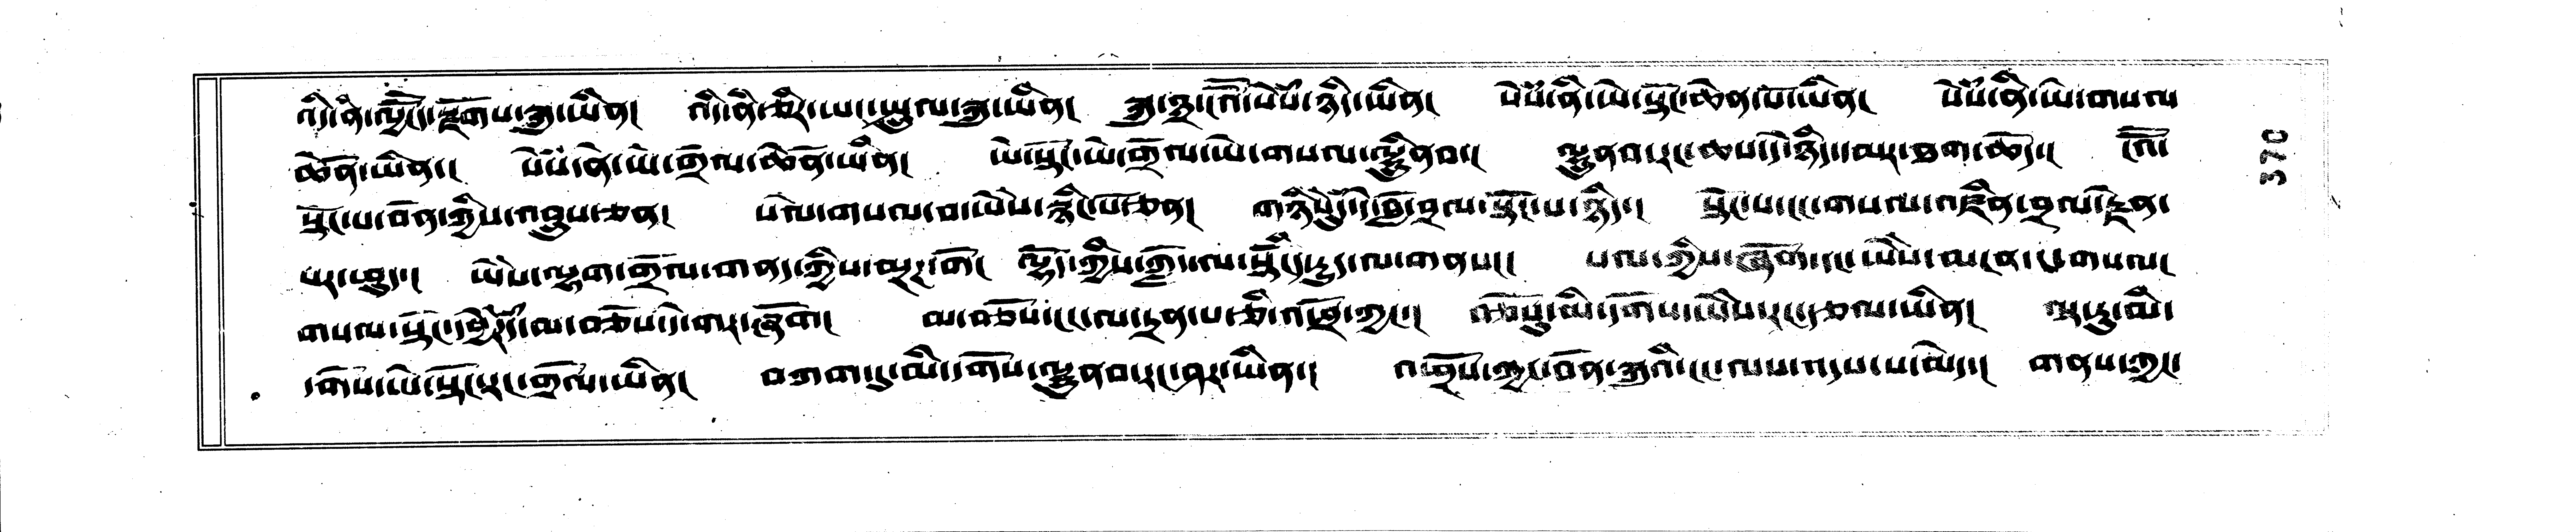འདི་ནི་ལོངས་སྤྱོད་རྫོགས་སྐུ་ཡིན། འདི་ནི་ཅིར་ཡང་སྤྲུལ་སྐུ་ཡིན། སྐུ་གསུམ་གྱིས་ངོའོ་སེམས་ཉིད་ཡིན། སེམས་ནི་ཡེ་སྟོན་ཆེན་པོ་ཡིན། སེམས་ནི་ཡེ་གསལ་
ཆེན་པོ་ཡིན། སེམས་ནི་ཡེ་གྲོལ་ཆེན་པོ་ཡིན། ཡེ་སྟོང་ཡེ་གསལ་ཡེ་གྲོལ་ལྷུན་གྱིས་གྲུབ། ལྷུན་གྲུབ་རང་ཆས་འདི་ཉིད་དམར་ཐག་ཆོད། ངོའོ་
སྟོང་པ་དོན་གྱིས་འབྲས་བུ་ཅན། སལེ་གསལ་བ་ཡེ་ཤེས་སྙིང་པོ་ཅན། གཉིས་སུ་མེད་སྟེ་བློ་བྲལ་སྟོང་པ་ཡིན། སྟོང་པ་ངང་གསལ་འཛིན་མེད་རྗེན་
པར་ཕུད། ཡེ་ཤེས་ལྷག་གྲོལ་གནད་ཀྱིས་མེན་ངག་གོ ལྷོད་ཀྱིས་ཀློད་དང་སྟོང་ཉིད་རྒྱུད་ལ་གནས། སལ་གྱིས་ཞོག་དང་ཡེ་ཤེས་མངོན་དུ་གསལ། 
གསལ་སྟོང་དབྱེར་མེད་མ་བཅོས་དེ་ཀ་ཞོག མ་བཅོས་པའི་ངང་ལས་དྲན་པ་ཅི་འཕྲོས་ཀྱང་། བཅོས་སུ་མི་དགོས་ཡེ་ཤེས་རང་རྩལ་ཡིན། ལྟ་རུ་མི་
དགོས་ཡེ་སྟོང་རང་གྲོལ་ཡིན། བཀག་ཏུ་མི་དགོས་ལྷུན་གྲུབ་རང་ཤར་ཡིན། འཕྲོས་ཀྱང་བོན་སྐུའི་ངང་ལས་འདས་པ་མེད། གནས་ཀྱང་